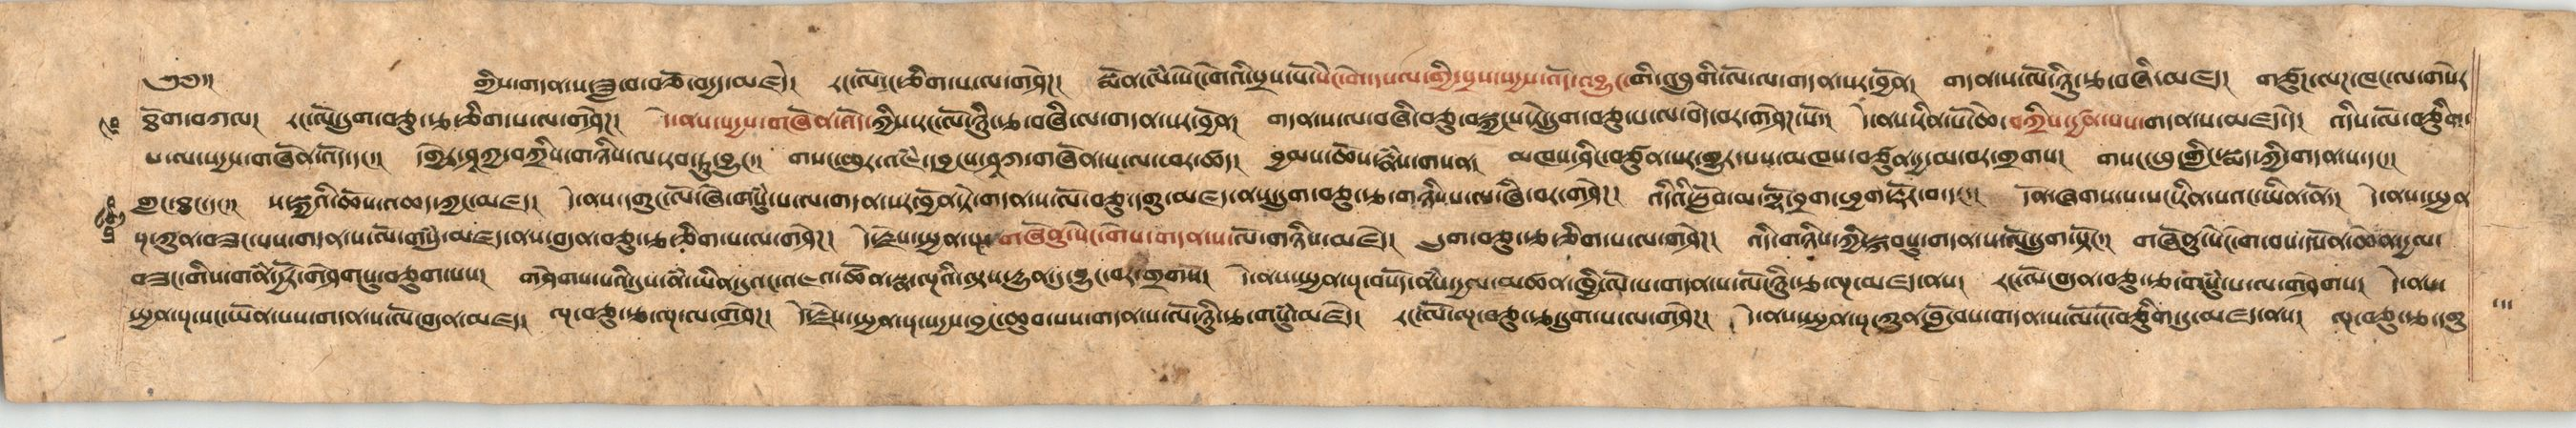གྱིས་གདན་ས་ཟླ་བ་བཅོ་བདྱད་མཛདེ། རང་ལོ་ང་ཅིག་པ་ལ་གཤེཌ། སྨོན་ལཾ་སེང་གེའི་སྲས་པོ་སེང་གེ་དཔལ་གྱི་སྲས་སདྱས་འོད་འབྱུང་གི་འབྲུགི་ལོ་ལ་གདན་སར་བྱོན། གདན་ས་ལོ་ཉིུ་རྩ་བཞི་མཛད། གཙུག་ལཌ་ཁང་ལ་གསེར
ཐོག་བཀལ། རང་ལོ་དྲུག་བཅུ་རྩ་ཅིག་པ་ལ་གཤེཌ། དེ་ནས་སདྱས་གཞོན་འོད་ཀྱིས་རང་ལོ་ཉིུ་རྩ་བཞི་ལ་གདན་སར་བྱོན། གདན་ས་ལོ་བཞི་བཅུ་བསྐྱངས་ཏེ་དྲུག་བཅུ་པ་ལ་གཤེཌ་སོ་། དེ་ནས་རིན་པོ་ཆེ་བཀྲིས་དྱཚན་པས་གདན་ས་མཛད་དེ། འདིས་ལོ་གཅིུག་
པ་ལ་སདྱས་གཞོན་འོད་དང་། དགྱེར་ཤཱཀྱ་བཀྲིས་གཉིས་ལ་རབ་ཏུ་བྱུང་། གསང་ཕུར་འཇཾ་དབྱངས་ཤཱཀ་གཞོན་པ་ལ་ཕར་ཚད། བྱམས་ཆོས་རྣཾས་གསན། མཁས་ཤིང་བཙུན་པར་གྱུར་པས་མཁས་བཙུན་དྱ་མ་བར་གྲགས། གསང་ཕུ་གླིང་སྨད་ཀྱི་གདན་ས་དང་།
གླང་ཐང་དང་། ས་སྐྱའི་ཆོས་འཆད་ཀྱང་མཛད། དེ་ནས་དགུང་ལོ་ཞེ་གསུཾ་པ་ལ་གདན་སར་བྱོན་ཏེ་གདན་ས་ལོ་བཅུ་དགུ་མཛད་ནས་དྲུག་བཅུ་རྩ་གཉིས་པ་ལ་ཞི་བར་གཤེཌ། འདིའི་སློབ་མ་ལྷོ་བྲག་ཕྱག་རྡོར་བ་དང་། དོན་ཞགས་པ་སང་རིན་པའང་ཡིན་ནོ། དེ་ནས་སྤྱན
སྔ་ཀུན་བཟང་པས་གདན་ས་ལོ་གསུཾ་མཛད་ནས་བདུན་ཅུ་རྩ་ཅིག་པ་ལ་གཤེཌ།། དེ་རྗེས་སྤྱན་སྔ་གཞོནུ་སེང་གེས་གདན་ས་ལོ་གཉིས་མཛདེ། དྲུག་བཅུ་རྩ་ཅིག་པ་ལ་གཤེཌ། འདི་གཉིས་ཀྱི་སྐབསུ་གདན་ས་ལོ་དྲུག་སྟོང་། གཞོནུ་སེང་གེ་བས་དཔོན་ཆེན་དྱལ་
བཟང་གིས་གནཾ་དྱཚོར་གཤེགསུ་བཅུག་པས། གཤེགས་པའི་དུས་ནཾ་ཡིན་དུའང་འཇའ་ཚོན་སྣ་ལྔའི་ལྟས་དྱུན་དུ་བྱུང་བར་གྲགསོ། དེ་ནས་སྤྱན་སྔ་བསོད་ནཾས་དྱལ་མཚན་ཁྱི་ལོ་པ་གདན་ས་ལོ་ཉིུརྩ་ལྔ་མཛད་ནས། རང་ལོ་བདུན་བཅུ་རྩ་གསུཾ་པ་ལ་གཤེགས། དེ་ནས་
སྤྱན་སྔ་སང་ཡོན་པས་གདན་ས་ལོ་བདུན་མཛད། ལྔ་བཅུ་རྩ་ལྔ་ལ་གཤེཌ། དེ་རྗེས་སྤྱན་སྔ་སདྱས་བྱང་ཆུབ་པས་གདན་ས་ལོ་ཉིུ་རྩ་གསུཾ་མཛདེ། རང་ལོ་ལྔ་བཅུ་རྩ་དྲུག་པ་ལ་གཤེཌ། དེ་ནས་སྤྱན་སྔ་ཀུན་བློ་བས་གདན་ས་ལོ་ངོ་བཅིུག་དུ་མཛད་ནས། ལྔ་བཅུ་རྩ་དགུ